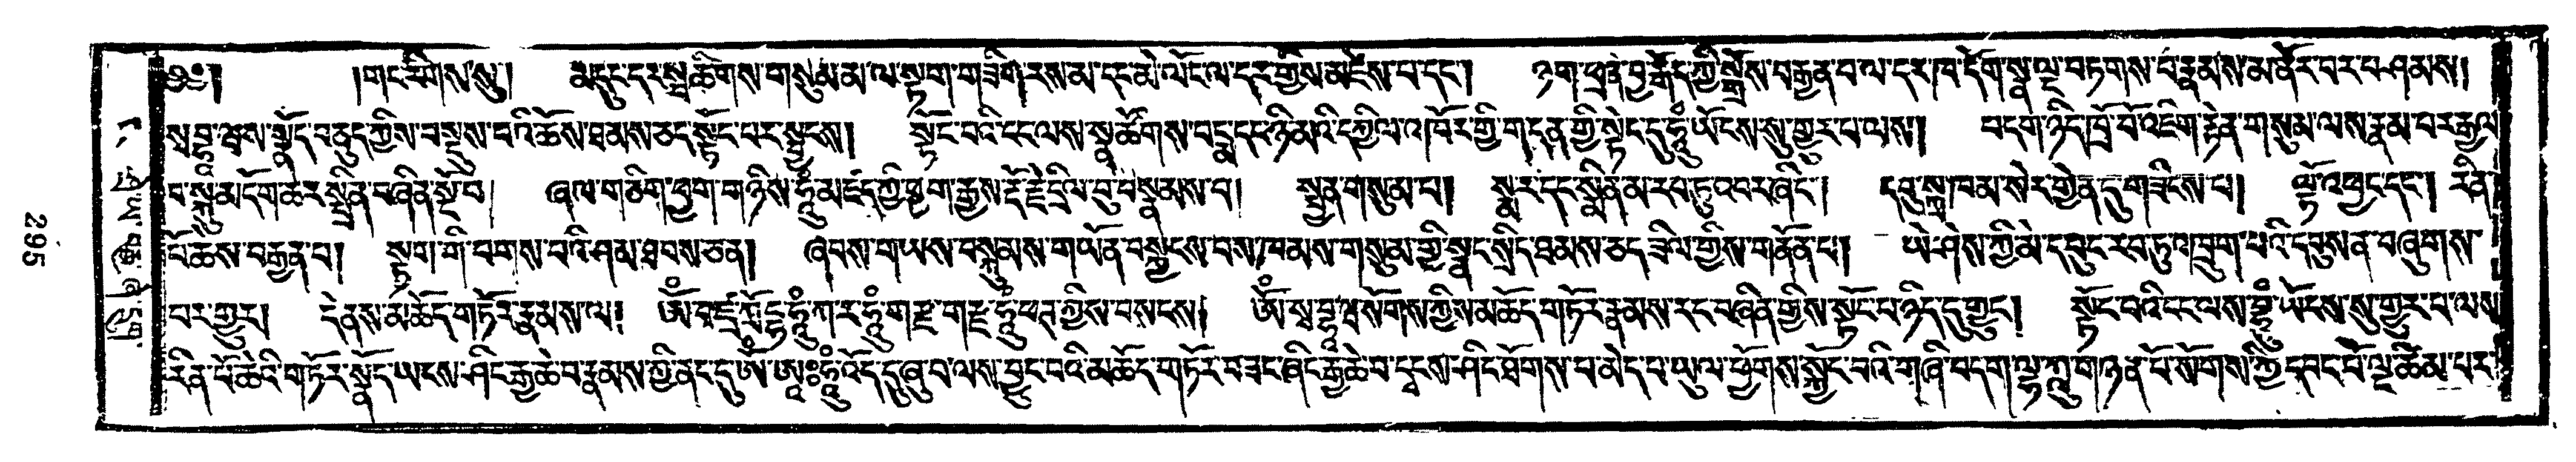༄༅། །གང་རིགས་སུ། མདུང་དར་སྦ་ཚིགས་གསུམ་མ་ལ་སྟག་གཟིག་རས་མ་དང་མེ་ལོང་ལ་དར་གྱིས་མཛེས་པ་དང་། ཉག་ཕྲན་བྱ་རྒོད་ཀྱི་སྒྲོས་བརྒྱན་བ་ལ་དར་ཁ་དོག་སྣ་ལྔ་བཏགས་བ་རྣམས་མ་ནོར་བར་བཤམས།
སྭ་བྷཱ་ཝས་སྣོད་བཅུད་ཀྱིས་བསྡུས་བའི་ཆོས་ཐམས་ཅད་སྟོང་བར་སྦྱངས། སྟོང་བའི་ངང་ལས་སྣ་ཚོགས་པདམ་དང་ཉི་མའི་དཀྱིལ་འཁོར་གྱི་གདན་གྱི་སྟེང་དུ་ཧཱུཾ་ཡོངས་སུ་གྱུར་པ་ལས། བདག་ཉིད་ཁྲོ་བོ་འཇིག་རྟེན་གསུམ་ལས་རྣམ་བར་རྒྱལ་
བ་སྐུ་མདོག་ཆར་སྤྲིན་བཞིན་སྔོ་བ། ཞལ་གཅིག་ཕྱག་གཉིས་ཧཱུཾ་མཛད་ཀྱི་ཕྱག་རྒྱས་རྡོ་རྗེ་དྲིལ་བུ་བསྣམས་བ། སྤྱན་གསུམ་པ། སྨར་དང་སྨིན་མ་རབ་ཏུ་འབར་ཞིང་། དབུ་སྐྲ་ཁམ་སེར་གྱེན་དུ་གཟིངས་པ། ལྟོ་འཕྱང་དང་། རིན་
པོ་ཆེས་བརྒྱན་པ། སྟག་གི་བགས་པའི་ཤམ་ཐབས་ཅན། ཞབས་གཡས་བསྐུམས་གཡོན་བསྐྱངས་པས་ཁམས་གསུམ་གྱི་སྣང་སྲིད་ཐམས་ཅད་ཟིལ་གྱིས་གནོན་པ། ཡེ་ཤེས་ཀྱི་མེ་དཔུང་རབ་ཏུ་འཁྲུག་པའི་དབུས་ན་བཞུགས་
པར་གྱུར། དེ་ནས་མཆོད་གཏོར་རྣམས་ལ། ཨོཾ་བཛྲ་ཀྲོདྷ་ཧཱུཾ་ཀ་ར་ཧཱུཾ་གརྫ་གརྫ་ཧཱུཾ་ཕཊ་ཀྱིས་བསངས། ཨོཾ་སྭ་བྷཱ་ཝ་སོགས་ཀྱིས་མཆོད་གཏོར་རྣམས་རང་བཞིན་གྱིས་སྟོང་པ་ཉིད་དུ་གྱུར། སྟོང་བའི་ངང་ལས་བྷུཾ་ཡོངས་སུ་གྱུར་པ་ལས་
རིན་པོ་ཆེའི་གཏོར་སྣོད་ཡངས་ཤིང་རྒྱ་ཆེ་བ་རྣམས་ཀྱི་ནང་དུ་ཨོཾ་ཨཱཿཧཱུཾ་འོད་དུ་ཞུ་བ་ལས་བྱུང་བའི་མཆོད་གཏོར་བཟང་ཞིང་རྒྱ་ཆེ་བ་དྭངས་ཤིང་ཐོགས་པ་མེད་པ་ཡུལ་ཕྱོགས་སྐྱོང་བའི་གཞི་བདག་ལྷ་ཀླུ་གཉན་པོ་སོགས་ཀྱི་དབང་པོ་ལྔ་ཚིམ་པར་